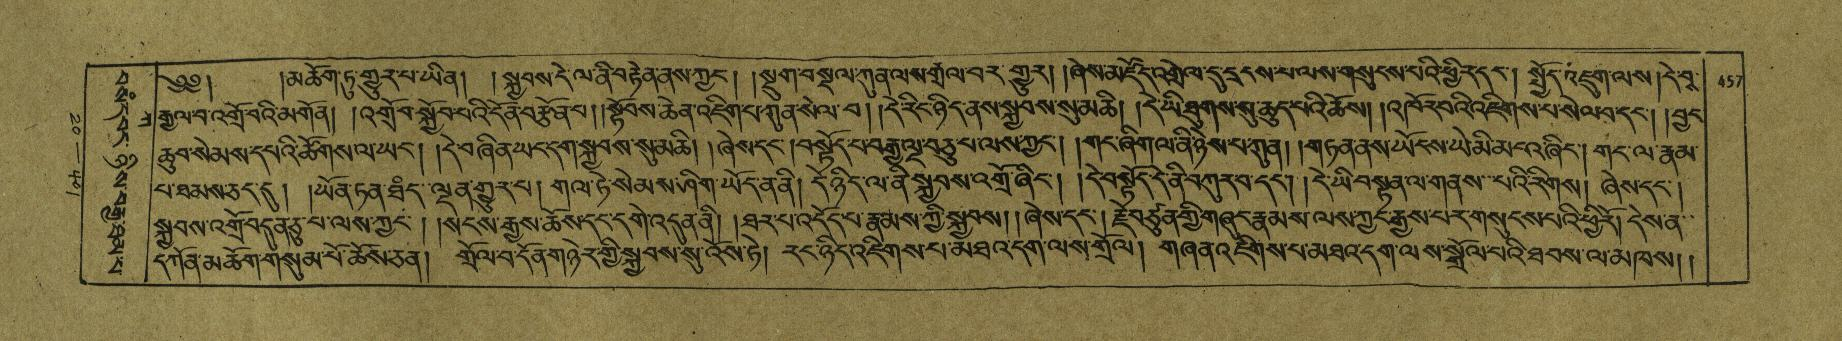༄༅། །མཆོག་ཏུ་གྱུར་པ་ཡིན། །སྐྱབས་དེ་ལ་ནི་བརྟེན་ནས་ཀྱང་། །སྡུག་བསྔལ་ཀུན་ལས་གྲོལ་བར་གྱུར། །ཞེས་མཛོད་འགྲེལ་དུ་དྲངས་པ་ལས་གསུངས་པའི་ཕྱིར་དང་། སྤྱོད་འཇུག་ལས། དེ་བས་
རྒྱལ་བ་འགྲོ་བའི་མགོན། །འགྲོ་བ་སྐྱོབ་པའི་དོན་བརྩོན་པ། །སྟོབས་ཆེན་འཇིག་པ་ཀུན་སེལ་བ། །དེ་རིང་ཉིད་ནས་སྐྱབས་སུ་མཆི། །དེ་ཡི་ཐུགས་སུ་ཆུད་པའི་ཆོས། །འཁོར་བའི་འཇིགས་པ་སེལ་བ་དང་། །བྱང་
ཆུབ་སེམས་དཔའི་ཚོགས་ལ་ཡང་། །དེ་བཞིན་ཡང་དག་སྐྱབས་སུ་མཆི། །ཞེས་དང་། བསྟོད་པ་བརྒྱ་ལྔ་བཅུ་པ་ལས་ཀྱང་། །གང་ཞིག་ལ་ནི་ཉེས་པ་ཀུན། །གཏན་ནས་ཡོངས་ཡེ་མི་མངའ་ཞིང་། གང་ལ་རྣམ་
པ་ཐམས་ཅད་དུ། །ཡོན་ཏན་ཐཾད་ལྡན་གྱུར་པ། གལ་ཏེ་སེམས་ཤིག་ཡོད་ན་ནི། དེ་ཉིད་ལ་ནི་སྐྱབས་འགྲོ་ཞིང་། །དེ་བསྟོད་དེ་ནི་བཀུར་བ་དང་། །དེ་ཡི་བསྟན་ལ་གནས་པའི་རིགས། ཞེས་དང་།
སྐྱབས་འགྲོ་བདུན་ཅུ་པ་ལས་ཀྱང་། །སངས་རྒྱས་ཆོས་དང་དགེ་འདུན་ནི། །ཐར་པ་འདོད་པ་རྣམས་ཀྱི་སྐྱབས། །ཞེས་དང་། རྗེ་བཙུན་གྱི་གཞུང་རྣམས་ལས་ཀྱང་རྒྱས་པར་གསུངས་པའི་ཕྱིརོ། དེས་ན་
དཀོན་མཆོག་གསུམ་པོ་ཆོས་ཅན། གྲོལ་བ་དོན་གཉེར་གྱི་སྐྱབས་སུ་འོས་ཏེ། རང་ཉིད་འཇིགས་པ་མཐའ་དག་ལས་གྲོལ། གཞན་འཇིགས་པ་མཐའ་དག་ལས་སྒྲོལ་པའི་ཐབས་ལ་མཁས། །